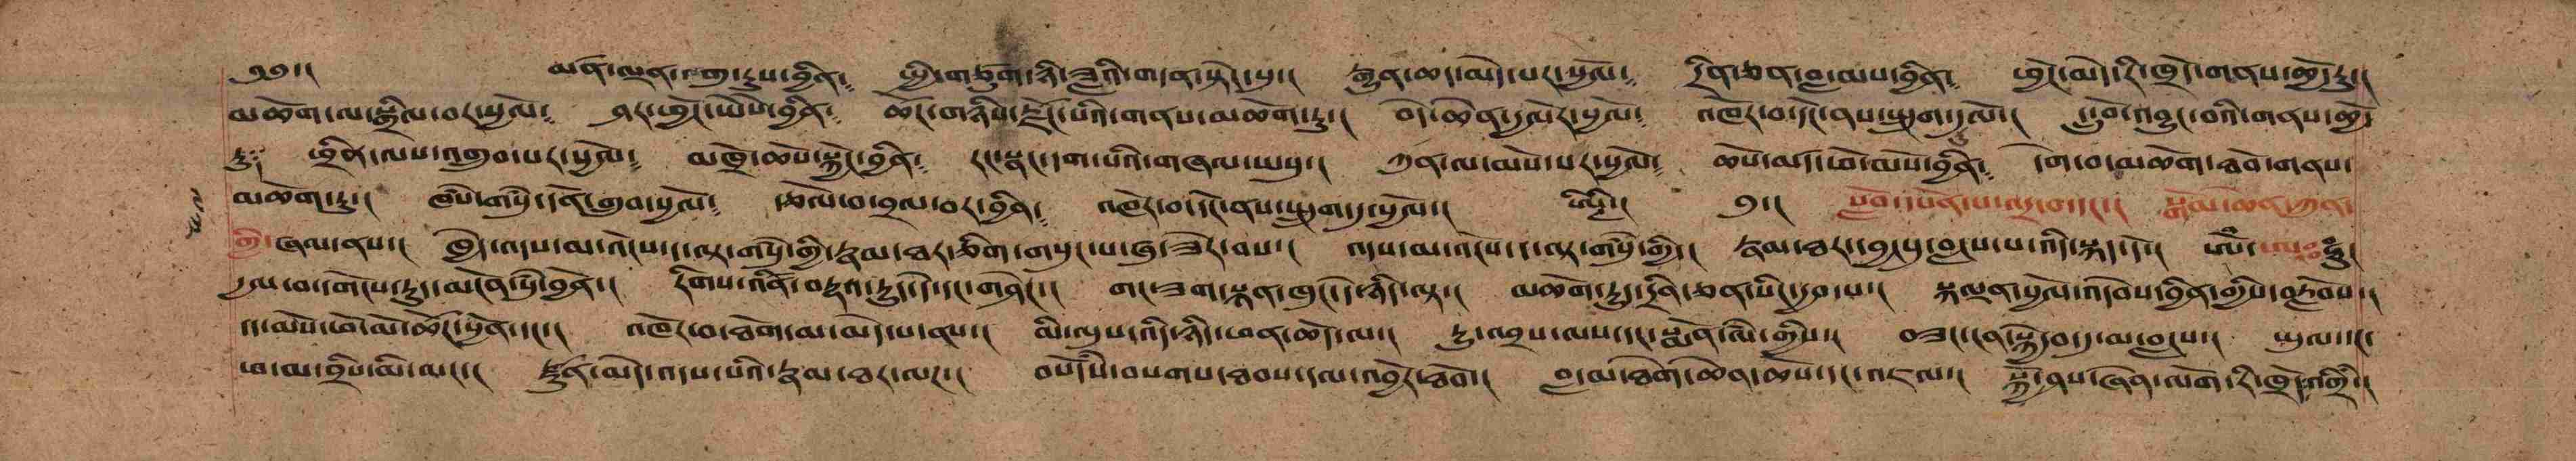༄༅་། མཚན་ལྡན་གུ་རུས་བྱིན་གྱིས་བརློབས།། སྤྱི་གཙུག་ཉི་ཟླའི་གདན་སྟེང་སུ། རྒྱུན་ཆད་མེད་པར་གསོལ་བ་འདེབས། དྲིན་ཅན་བླ་མ་བྱིན་གྱིས་བརློབས། ཕྱོགས་མེད་རི་ཁྲོད་གནས་མཆོག་ཏུ། 
མཆོག་ལ་སྒྲིལ་བར་གསོལ་བ་འདེབས། ཤར་ཕྱོགས་ཡེ་ཤེས་བྱིན་གྱིས་བརློབས། ཚོགས་གཉིས་རྫོགས་པའི་གནས་མཆོག་ཏུ། བདེ་ཆེན་རྒྱལ་པོར་གསོལ་བ་འདེབས། འཁོར་བ་དོང་ནས་སྤྲུག་དུ་གསོལ། དངོས་གྲུབ་འབྱུང་བའི་གནས་མཆོག་
ཏུ༑ ཕྲིན་ལས་འགྲུབ་པར་གསོལ་བ་འདེབས། མཁའ་འགྲོ་ཆོས་སྐྱོང་བྱིན་གྱིས་བརློབས། རང་སྣང་དག་པའི་གཞལ་ཡས་སུ། ཀུན་ལ་མོས་པར་གསོལ་བ་འདེབས། ཆོས་མཛད་ཕོ་མོས་བྱིན་གྱིས་བརློབས། དགེ་བ་མཆོག་ཐོབ་གནས་
མཆོག་ཏུ། ཁམས་གསུམ་དོན་གྲུབ་གསོལ་བ་འདེབས། རྩོལ་བ་བྲལ་བར་བྱིན་གྱིས་བརློབས། འཁོར་བ་དོང་ནས་སྤྲུག་དུ་གསོལ། ཨིཊི། ༄་། སློབ་དཔོན་ས་འདྲ་བ་དང་། སྒོམ་ཆེན་ཀུན་
གྱི་ཞལ་ནས། ཁྱེད་འདས་མ་འོངས་ད་ལྟ་གསུམ་གྱི་རྣམ་ཐར་ཅིག་གསུང་པ་ཞུ་ཟེར་བས། འདས་མ་འོངས་ད་ལྟ་གསུམ་གྱི། རྣམ་ཐར་དབྱངས་སུ་བླངས་པ་འདི་སྐད་དོ། ཨོཾ་ཨཿཧཱུཾ། 
རྒྱལ་བ་དགོངས་རྒྱུད་མངོན་སུམ་བྱོན། རིགས་འཛིན་བརྡའ་རྒྱུད་དེ་དང་གཤེགས། གང་ཟག་སྙན་ཁུང་དེ་ཉིད་ལྟ། མཆོག་རྒྱུད་དྲིན་ཅན་སིང་རྒྱབ་པ། སྐལ་ལྡན་གསོལ་འདེབས་བྱིན་གྱིས་བརློབས། 
དད་མོས་ཕོ་མོ་ཚོགས་གསོན་དང་། འཁོར་བ་ཐོག་མ་མེད་པ་ནས། མི་ལུས་འདི་ཉིད་ཕན་ཚོད་ལ། དྱུ་འབྲས་ལས་དང་སྨོན་ལམ་གྱིས། བཟང་ངན་སྐྱེ་བ་དུ་མ་བླངས། ཡུལ་དང་
ཕ་མ་བྲིས་མི་ལང་། རྫུན་མེད་འདས་པའི་རྣམ་ཐར་ལགས། བསོད་ནམས་བསགས་ཐབས་དལ་འབྱོར་ཐོབ། བླ་མ་ཐེག་ཆེན་ཆོས་དང་འཇལ། སྐྱོ་ཤས་ཞེན་ལོག་རི་ཁྲོད་འགྲིམ།